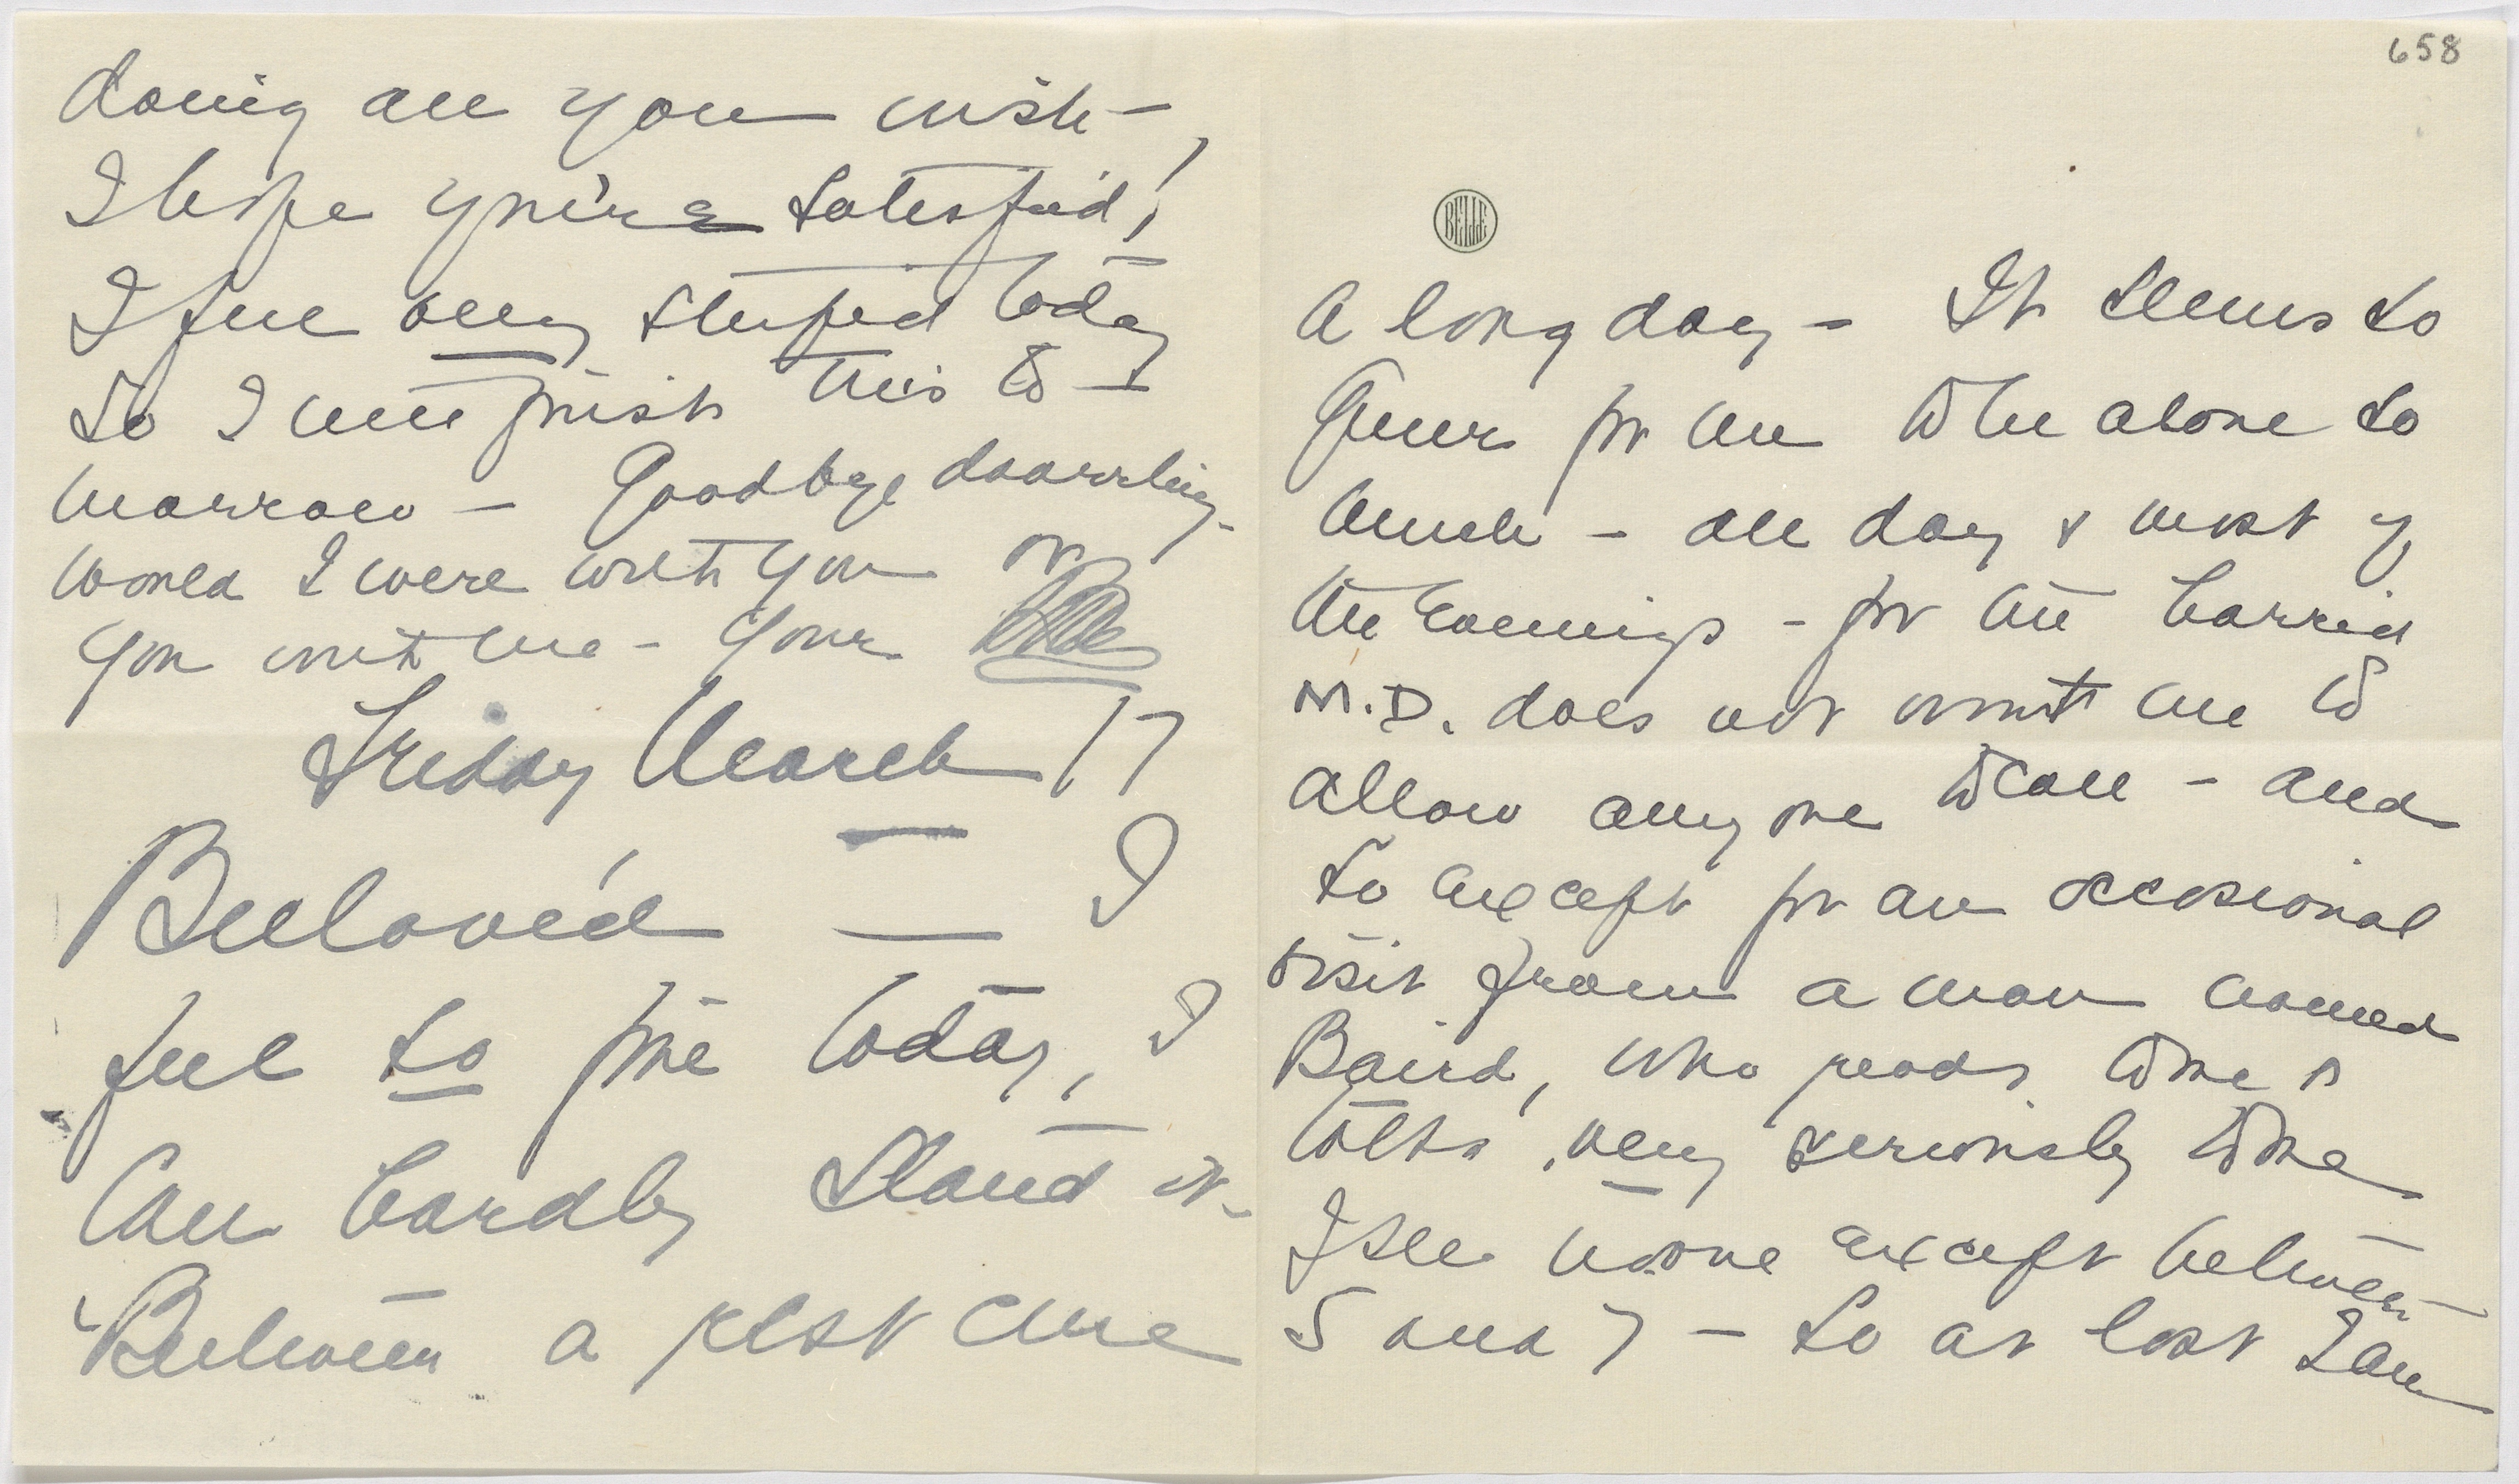a long day – It seems so queer for me to be alone so much – all day & most of the evenings – for the horrid [in secretarial script: M.D.] does not want me to allow anyone to call – and so except for an occasional visit from a man named Baird, who reads to me & talks very seriously to me I see no-one except between 5 and 7 – So at last I am
doing all you wish – I hope you’re satisfied!
I feel very stupid today so I will finish this tomorrow – Goodbye daarrling – would I were with you or you with me – Your [double underlined: Belle]
Friday March 17
–
Beeloved – I feel so fine today, I can hardly stand it – Between a rest cure